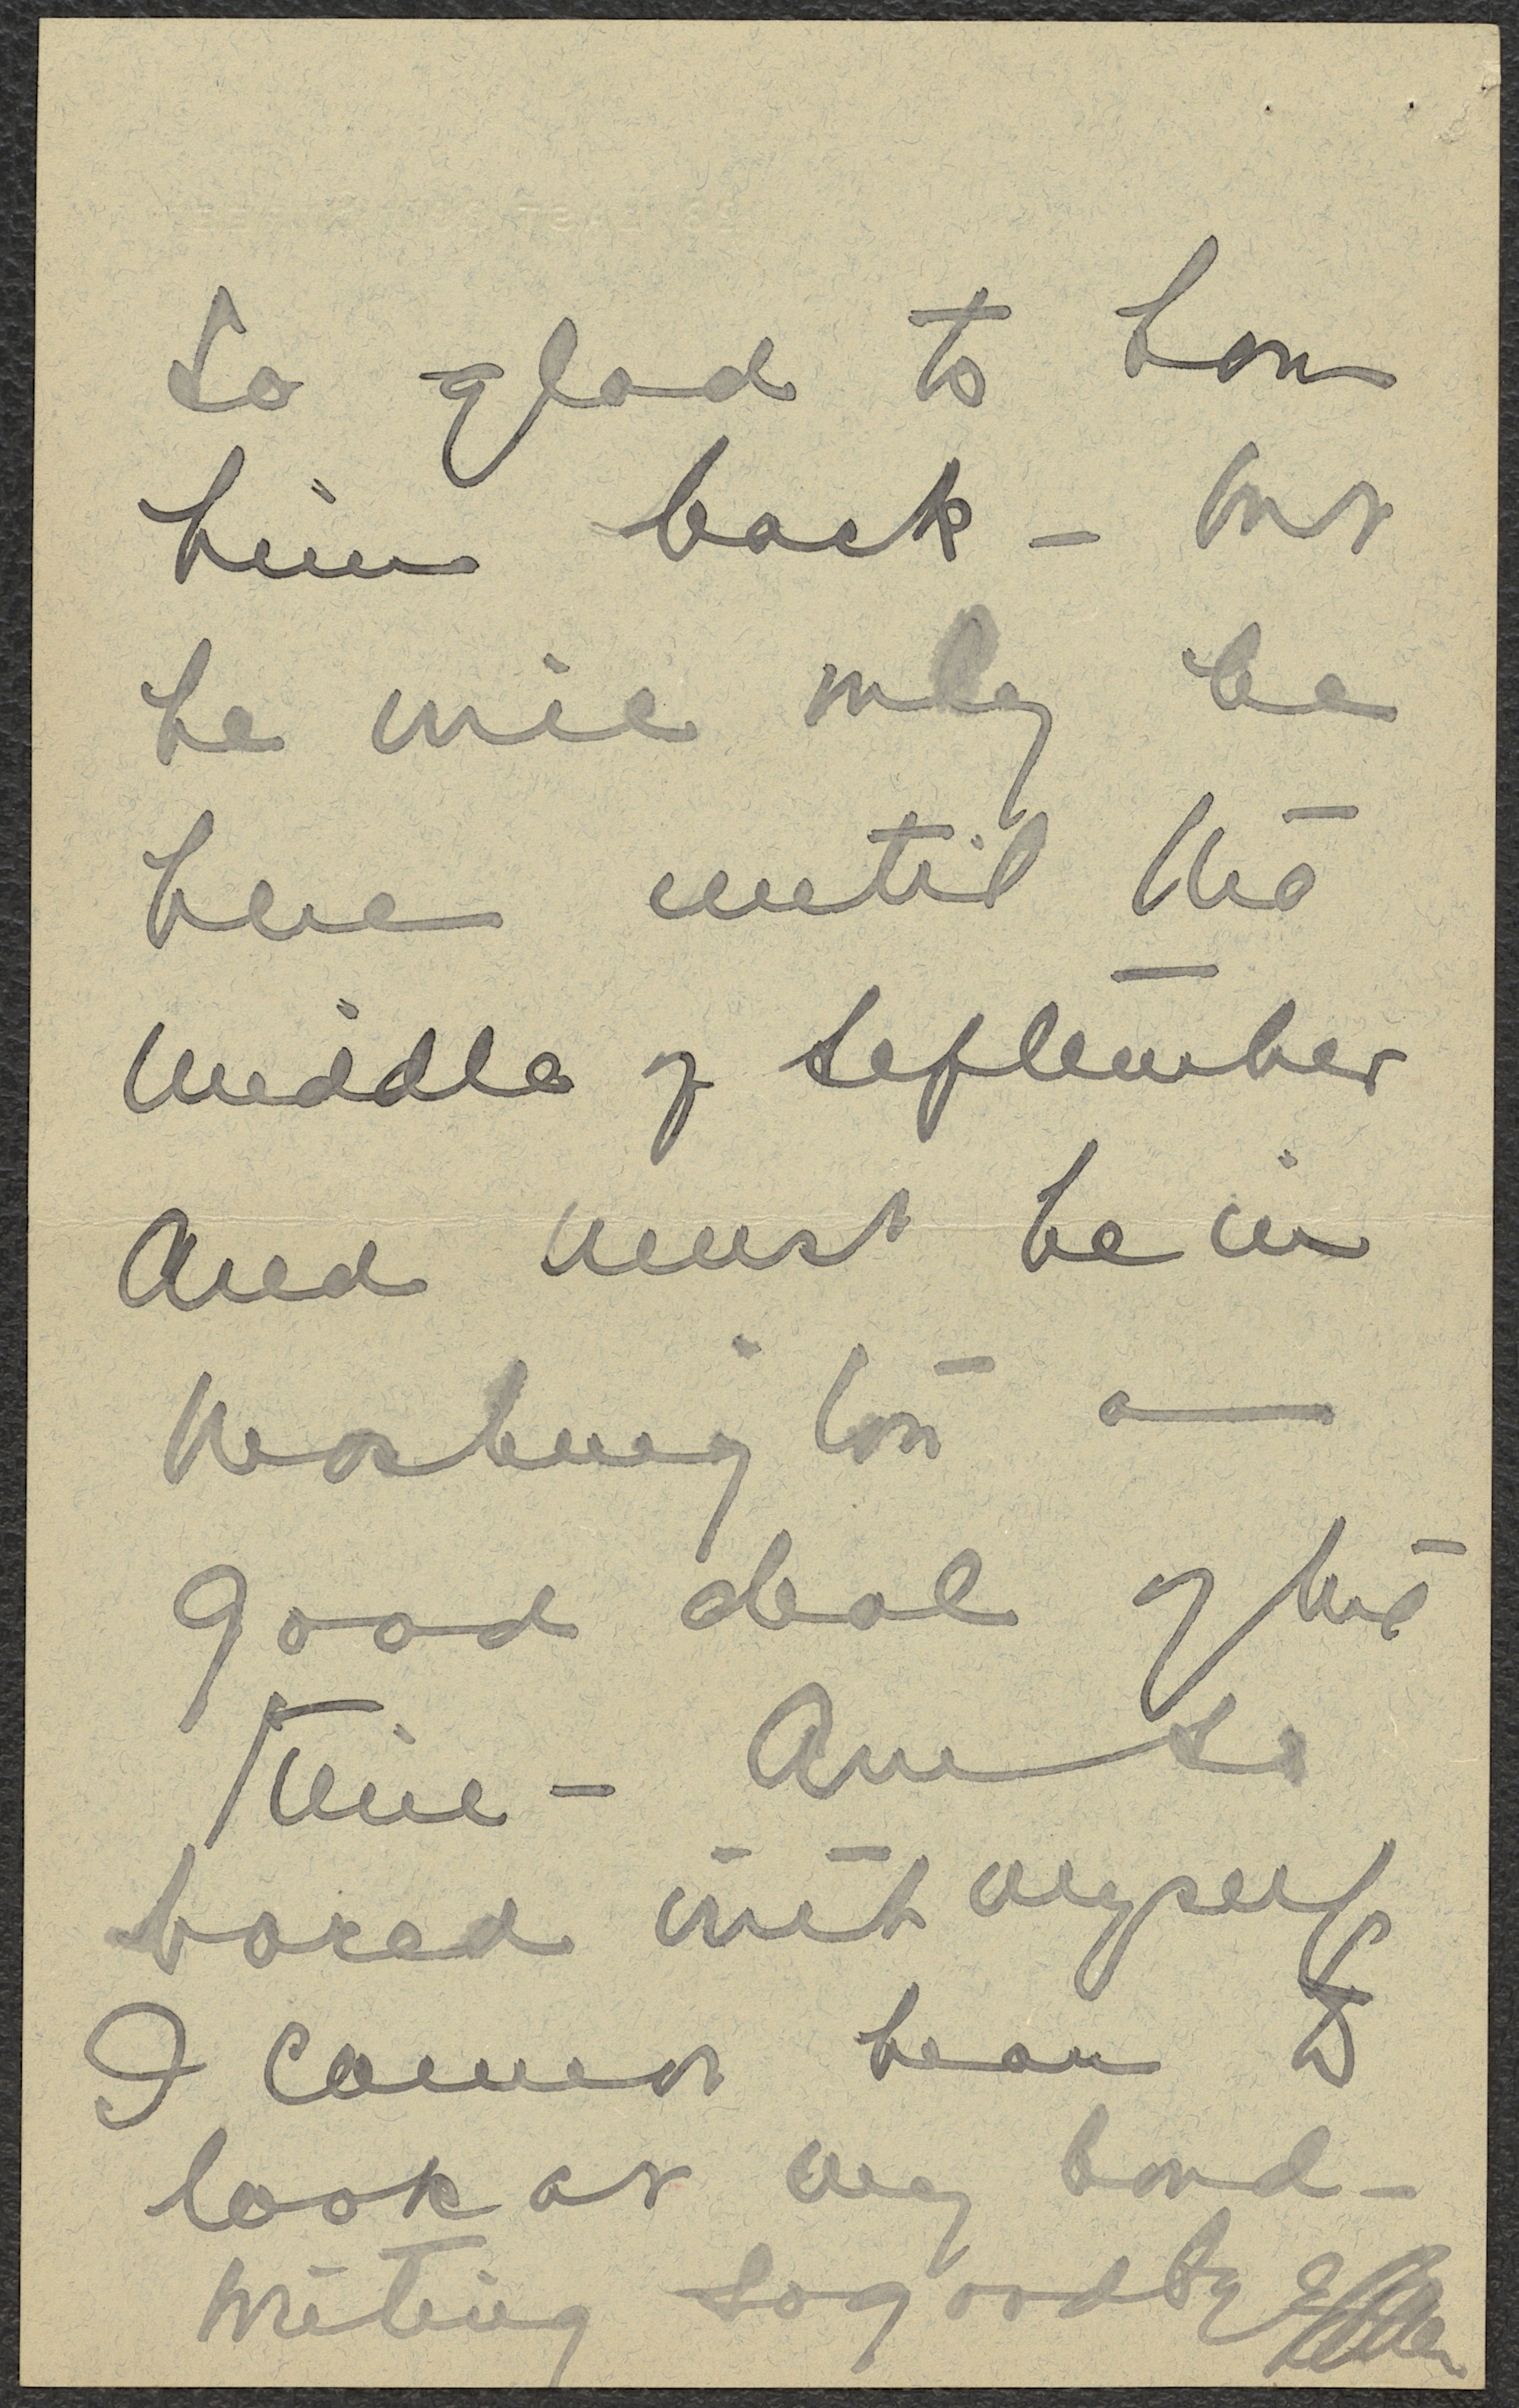so glad to have him back – but he will only be here until the middle of September and must be in Washington a good deal of the time – Am so bored with myself I cannot bear to look at my handwriting so goodbye Belle